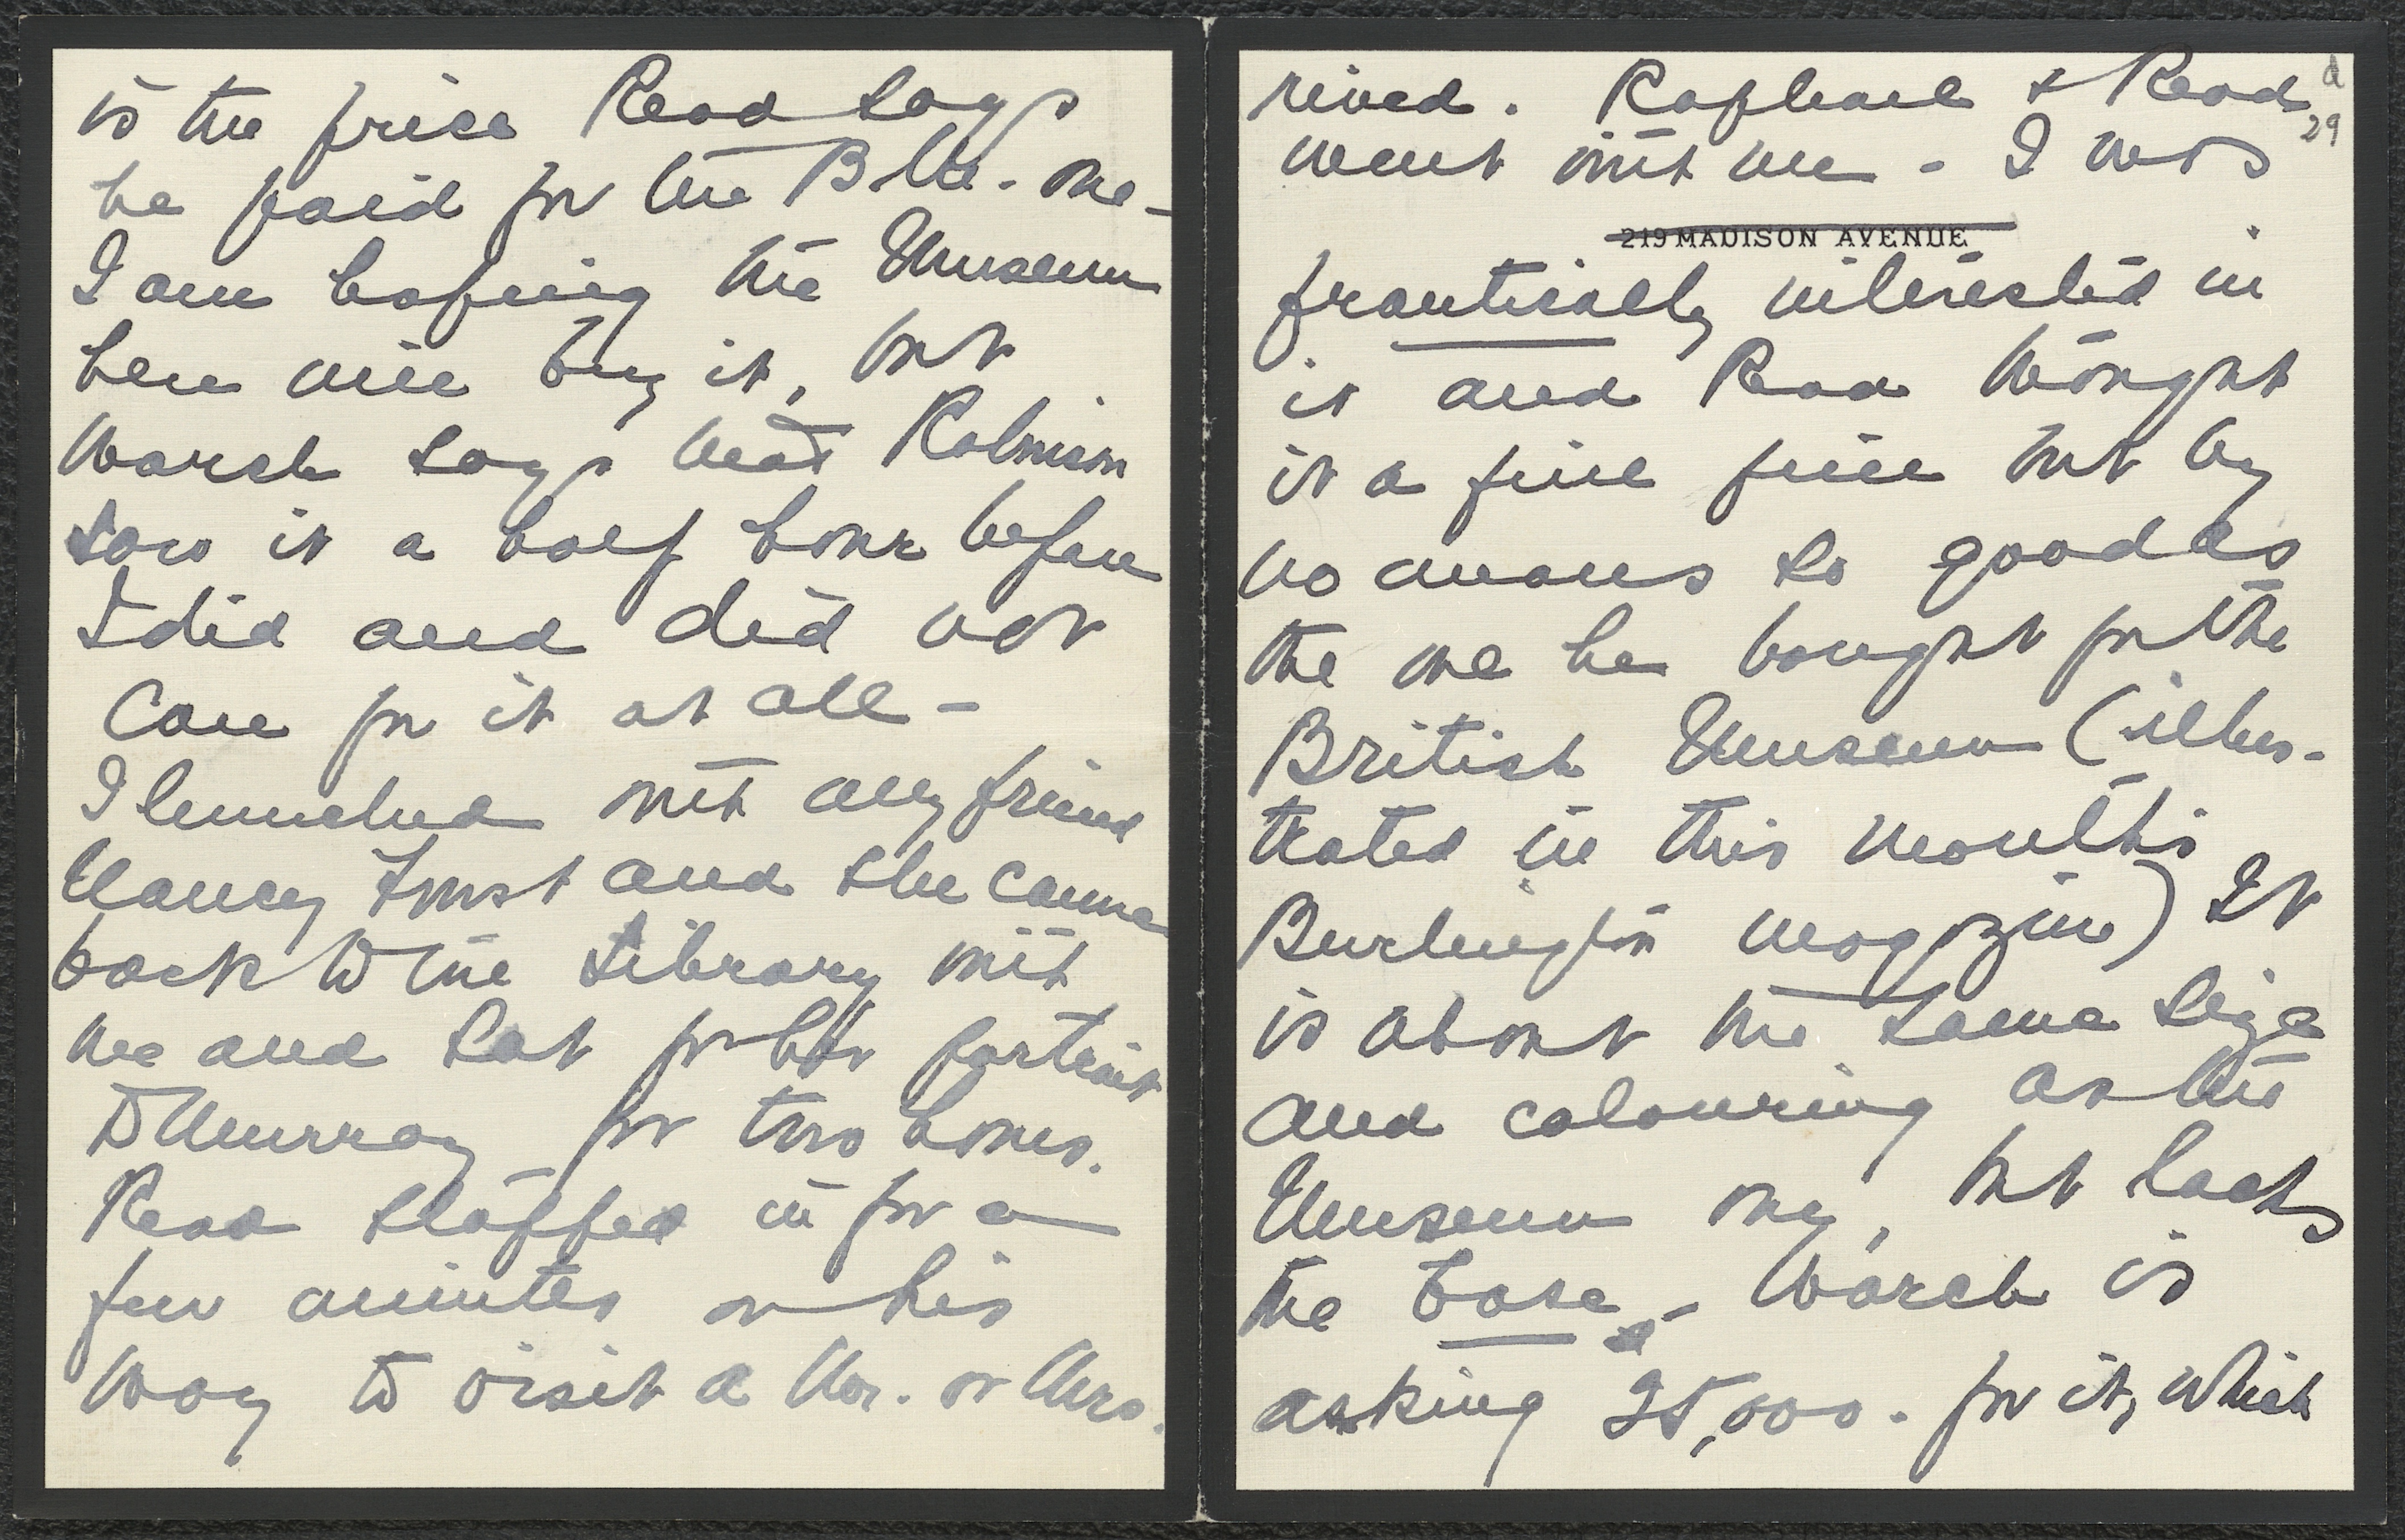Raphel & Read went with me – I was frantically interested in it and Read thought it a fine price but by no means so good as the one he bought for the British Museum (illustrated in this month's Burlington Magazine) It is about the same size and colouring as the Museum one, but lacks the base – Worch is asking $25,000. for it, which
is the price Read says he paid for the B.M. one – I am hoping the Museum here will buy it, but March says that Robinson saw it a half hour before I did and did not care for it at all – I lunched with my friend Nancy Faust and she came back to the Library with me and sat for her portrait to Murray – for two hours. Read stopped in for a few minutes on his way to visit a Mr. or Mrs.